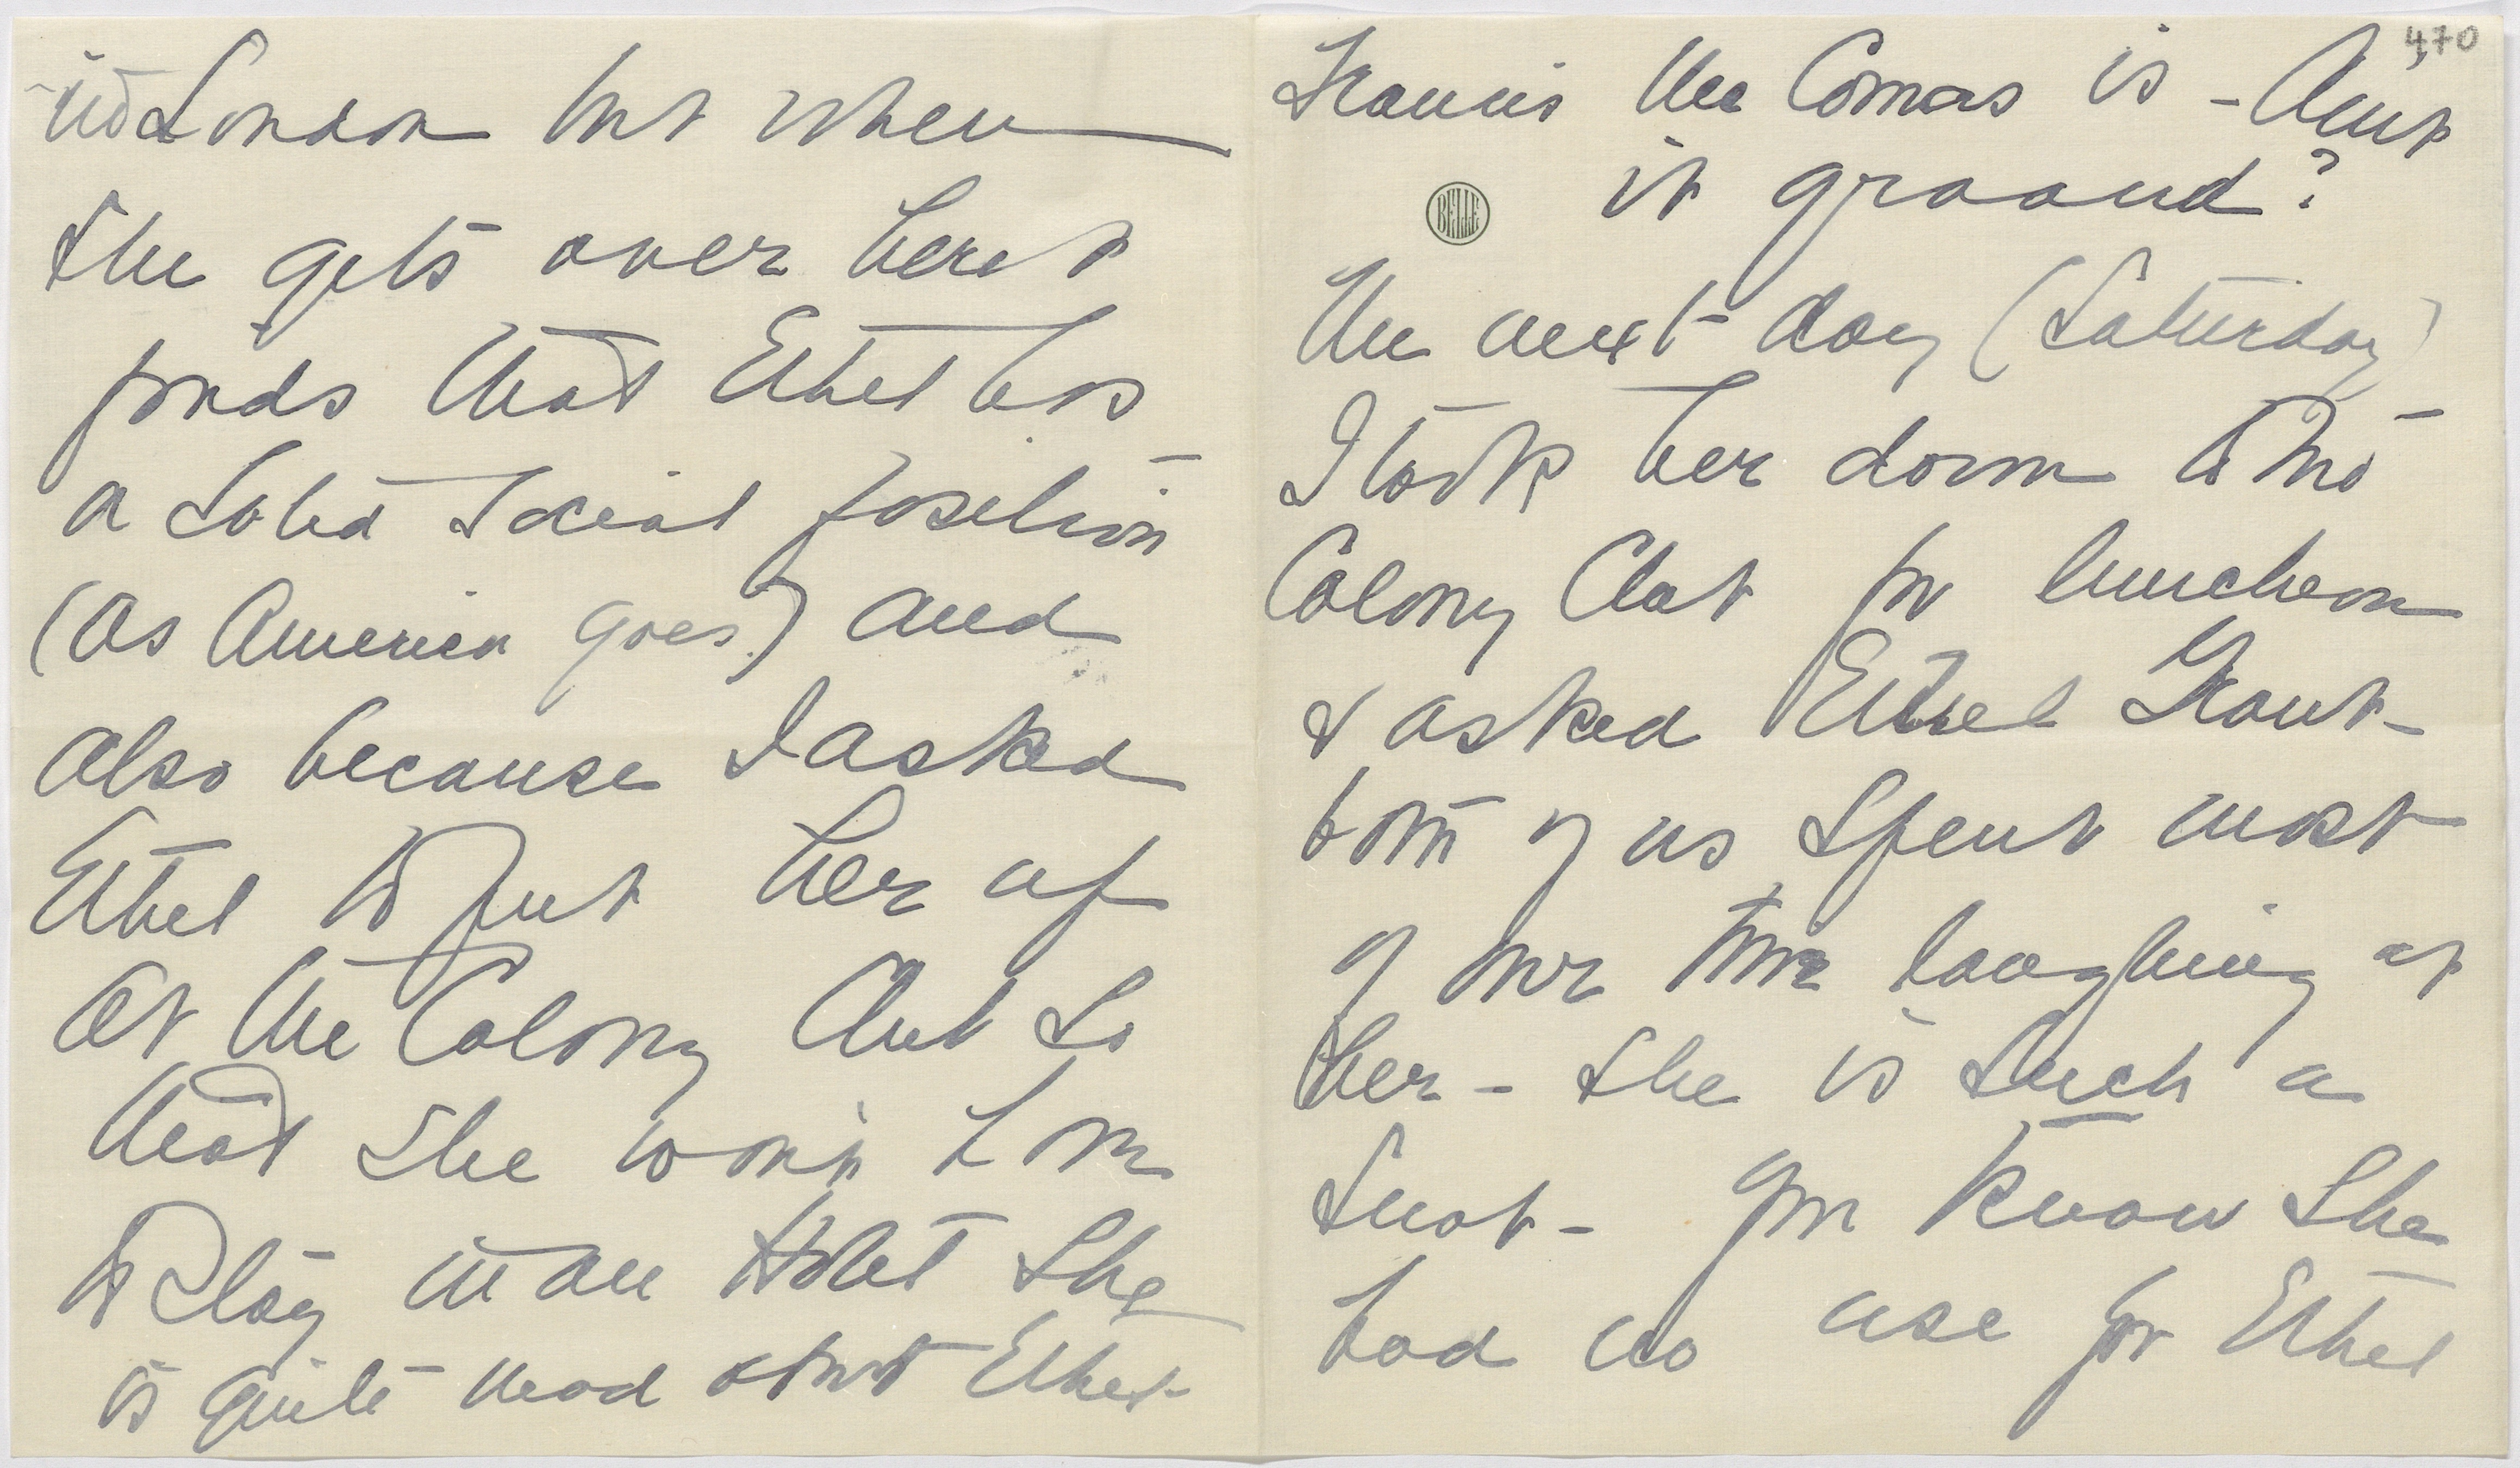Francis Mc Comas is – Ain’t it graand?
The next day (Saturday) I took her down to the Colony Club for luncheon & asked Ethel Grant – both of us spent most of our time laughing at her – she is such a snot – you know she had no use for Ethel
in London but when she gets over here & finds that Ethel has a solid social position (as America goes) and also because I asked Ethel to put her up at the Colony Club so that she won’t have to stay in an Hotel she is quite mad about Ethel